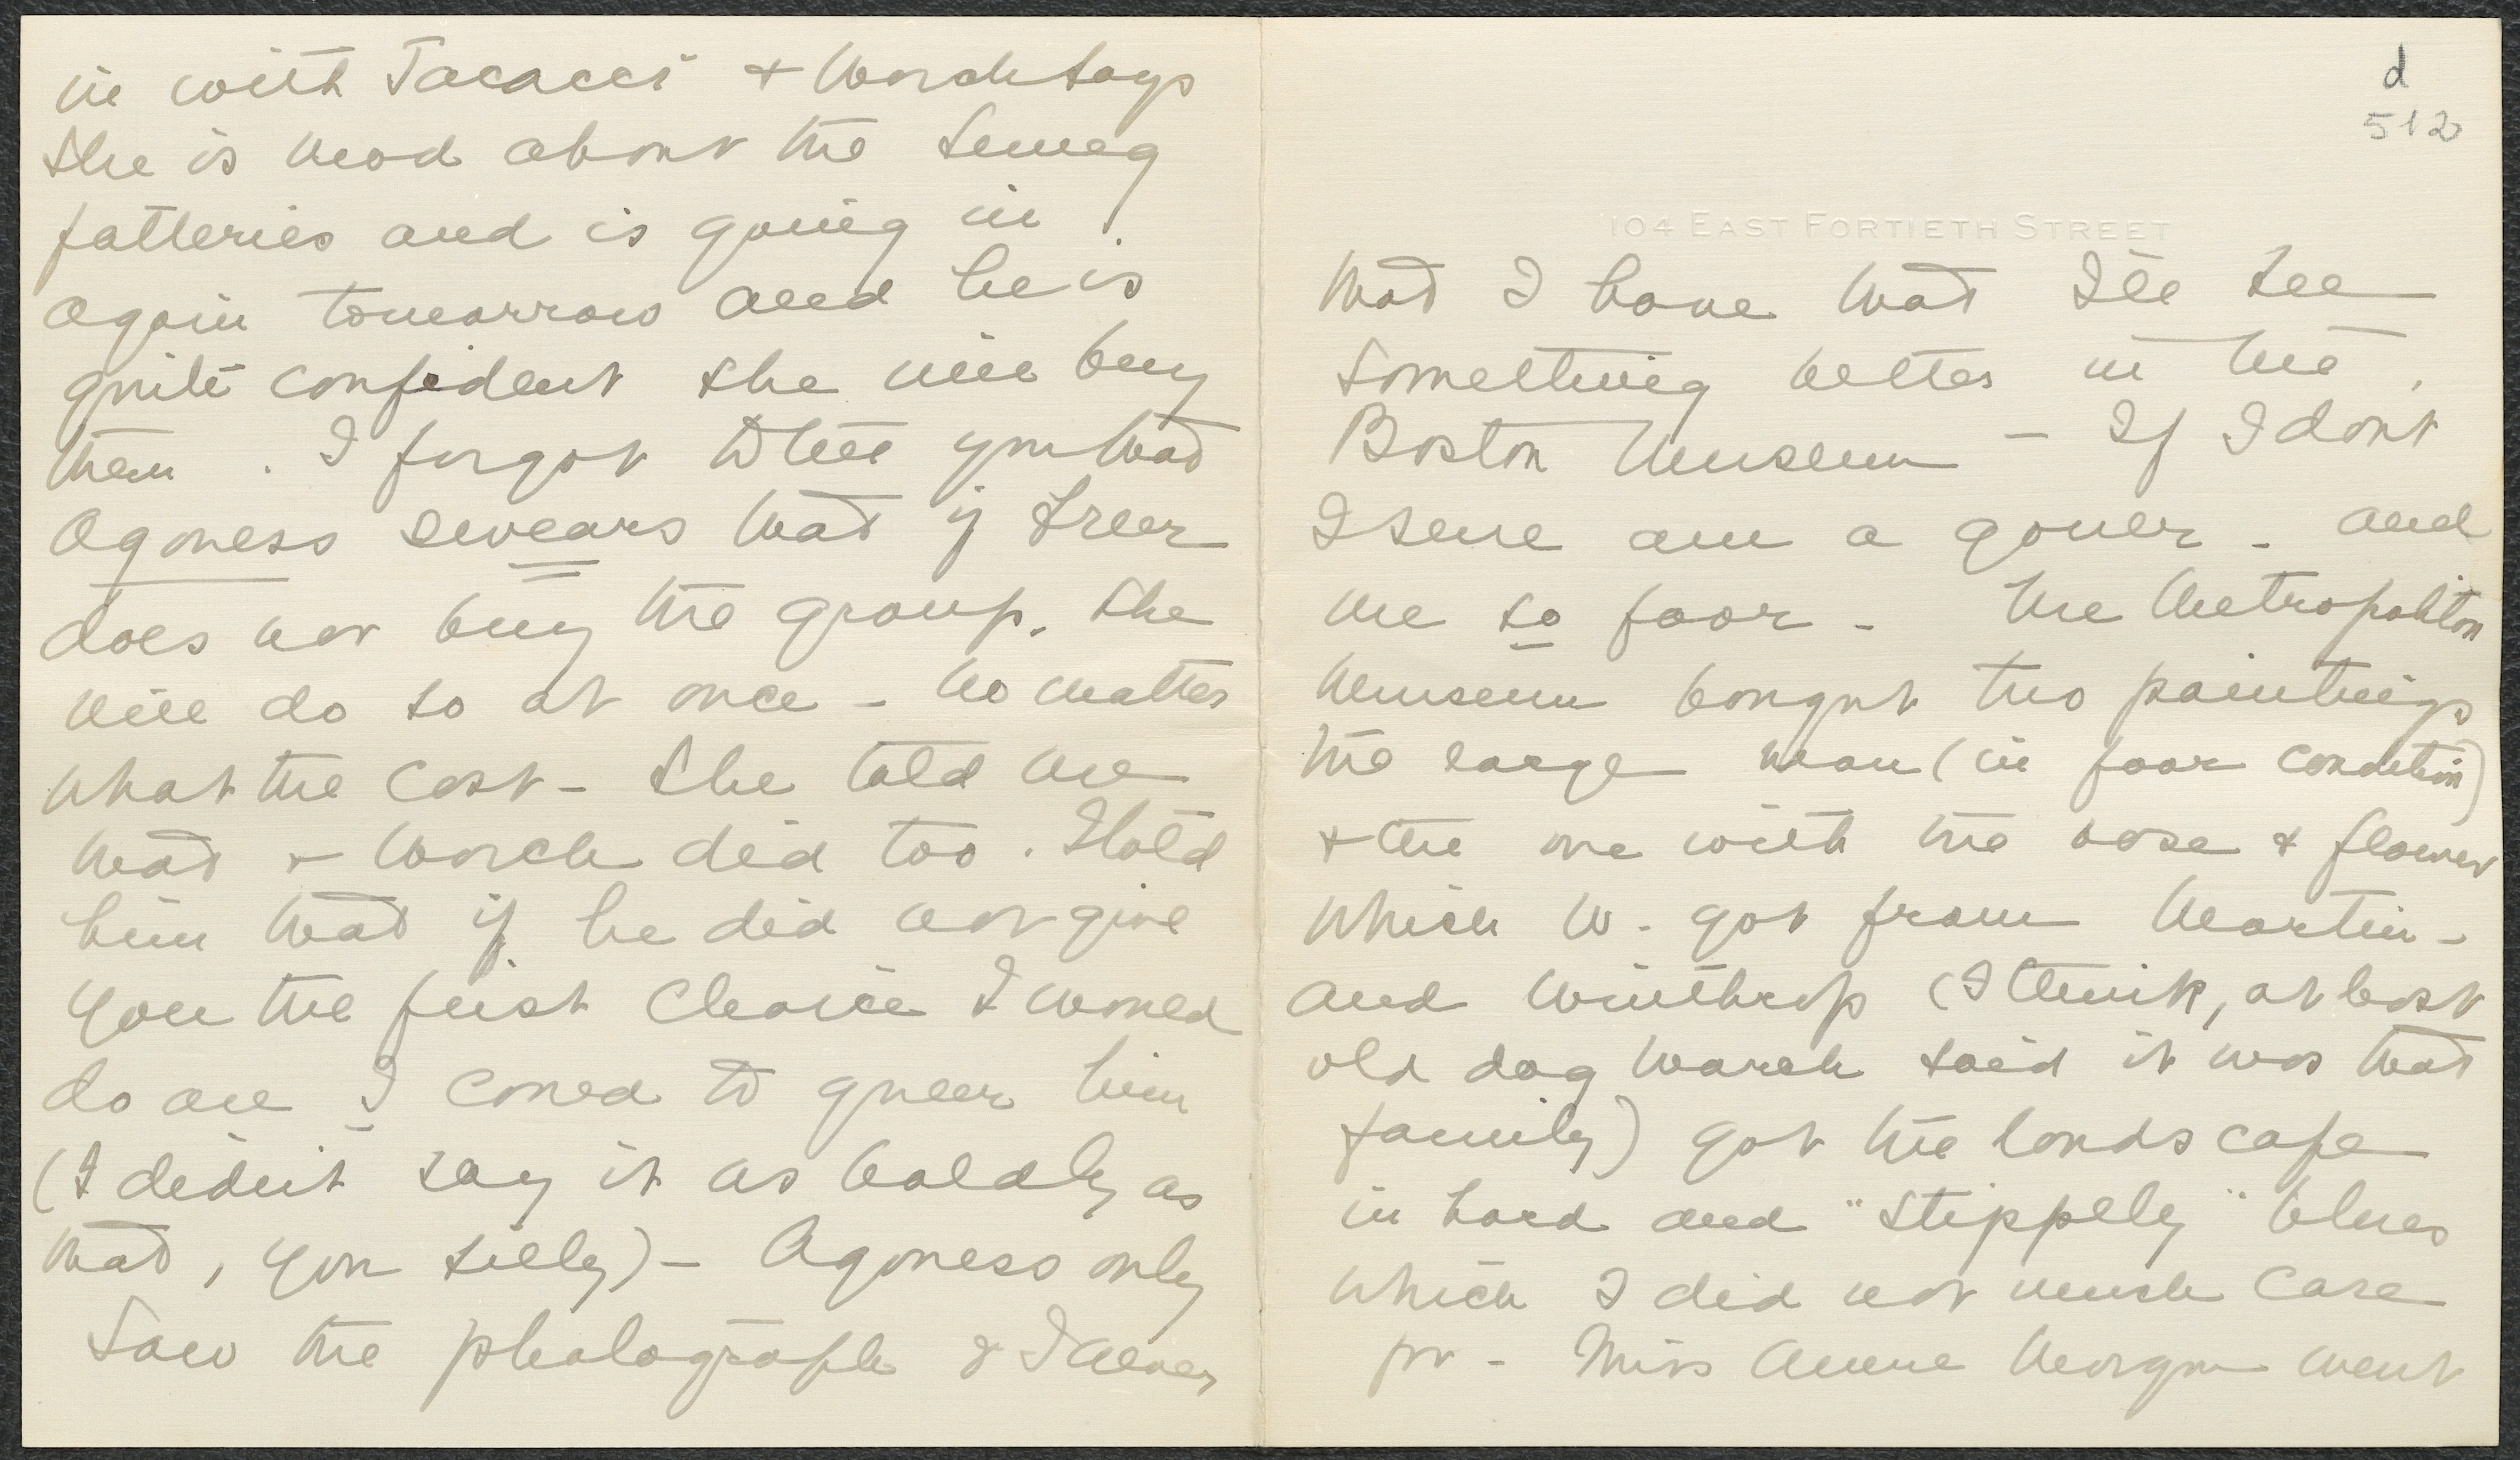that I have that I’ll see something better in the Boston Museum – If I don’t I sure am a goner – and me so poor – The Metropolitan Museum bought two paintings the large man (in poor condition) & the one with the vase & flower which W. got from Martin – and Winthrop (I think, at least old dog Worch said it was that family) got the landscape in hard and “stippely” blues which I did not much care for – Miss Anne Morgan went
in with Jacacci & Worch says she is mad about the Seung potteries and is going in again tomorrow and he is quite confident she will buy them. I forgot to tell you that Agoness [double underlined: swears] that if Freer does not buy the group, she will do so at once – no matter what the cost – she told me that & Worch did too. I told him that if he did not give you the first choice I would do all I could to queer him (I didn’t say it as boldly as that, you silly) – Agoness only saw the photograph & I never